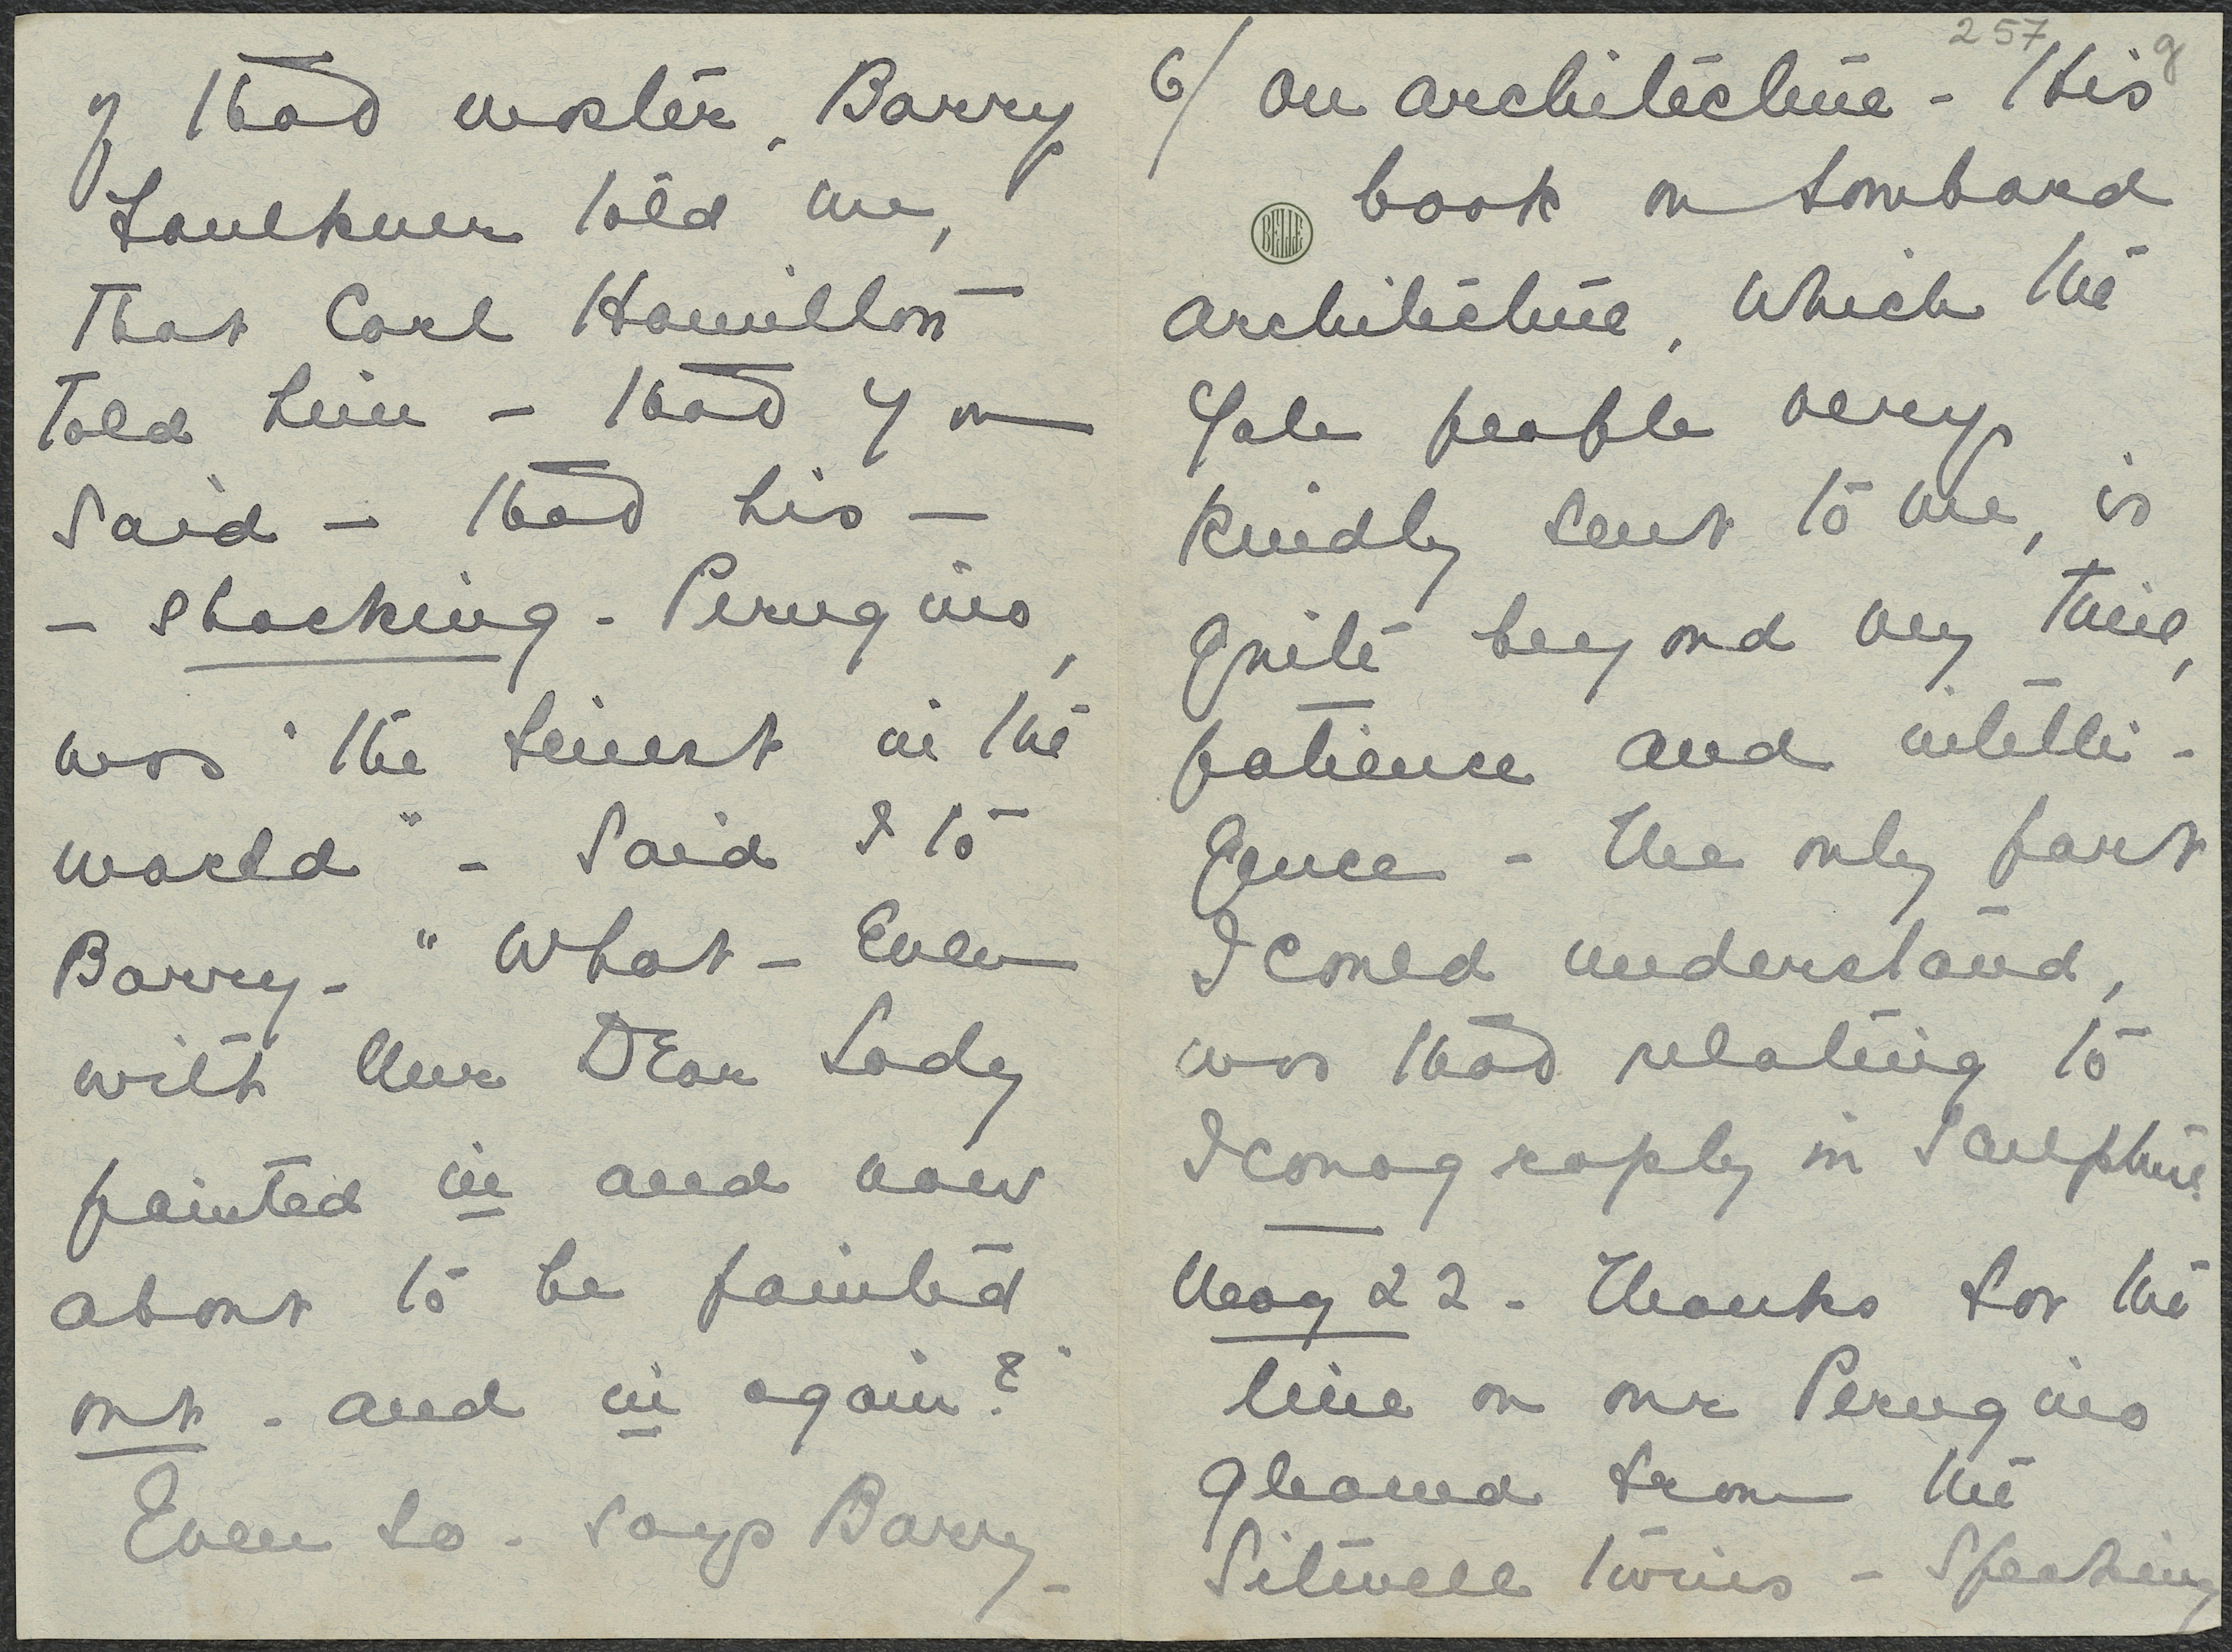6/
on architecture – His book on Lombard architecture, which the Yale people very kindly sent to me, is quite beyond my time, patience and intelligence – The only part I could understand, was that relating to Iconography in sculpture
May 22 – Thanks for the line on our Perugino gleaned from the Sitwell Twins – Speaking
of that master, Barry Faulkner told me, that Carl Hamilton told him – that you said – that his – – shocking – Perugino was “the finest in the world” – said I to Barry – “What – even with our Dear Lady painted in and now about to be painted out – and in again?”
Even so – says Barry –